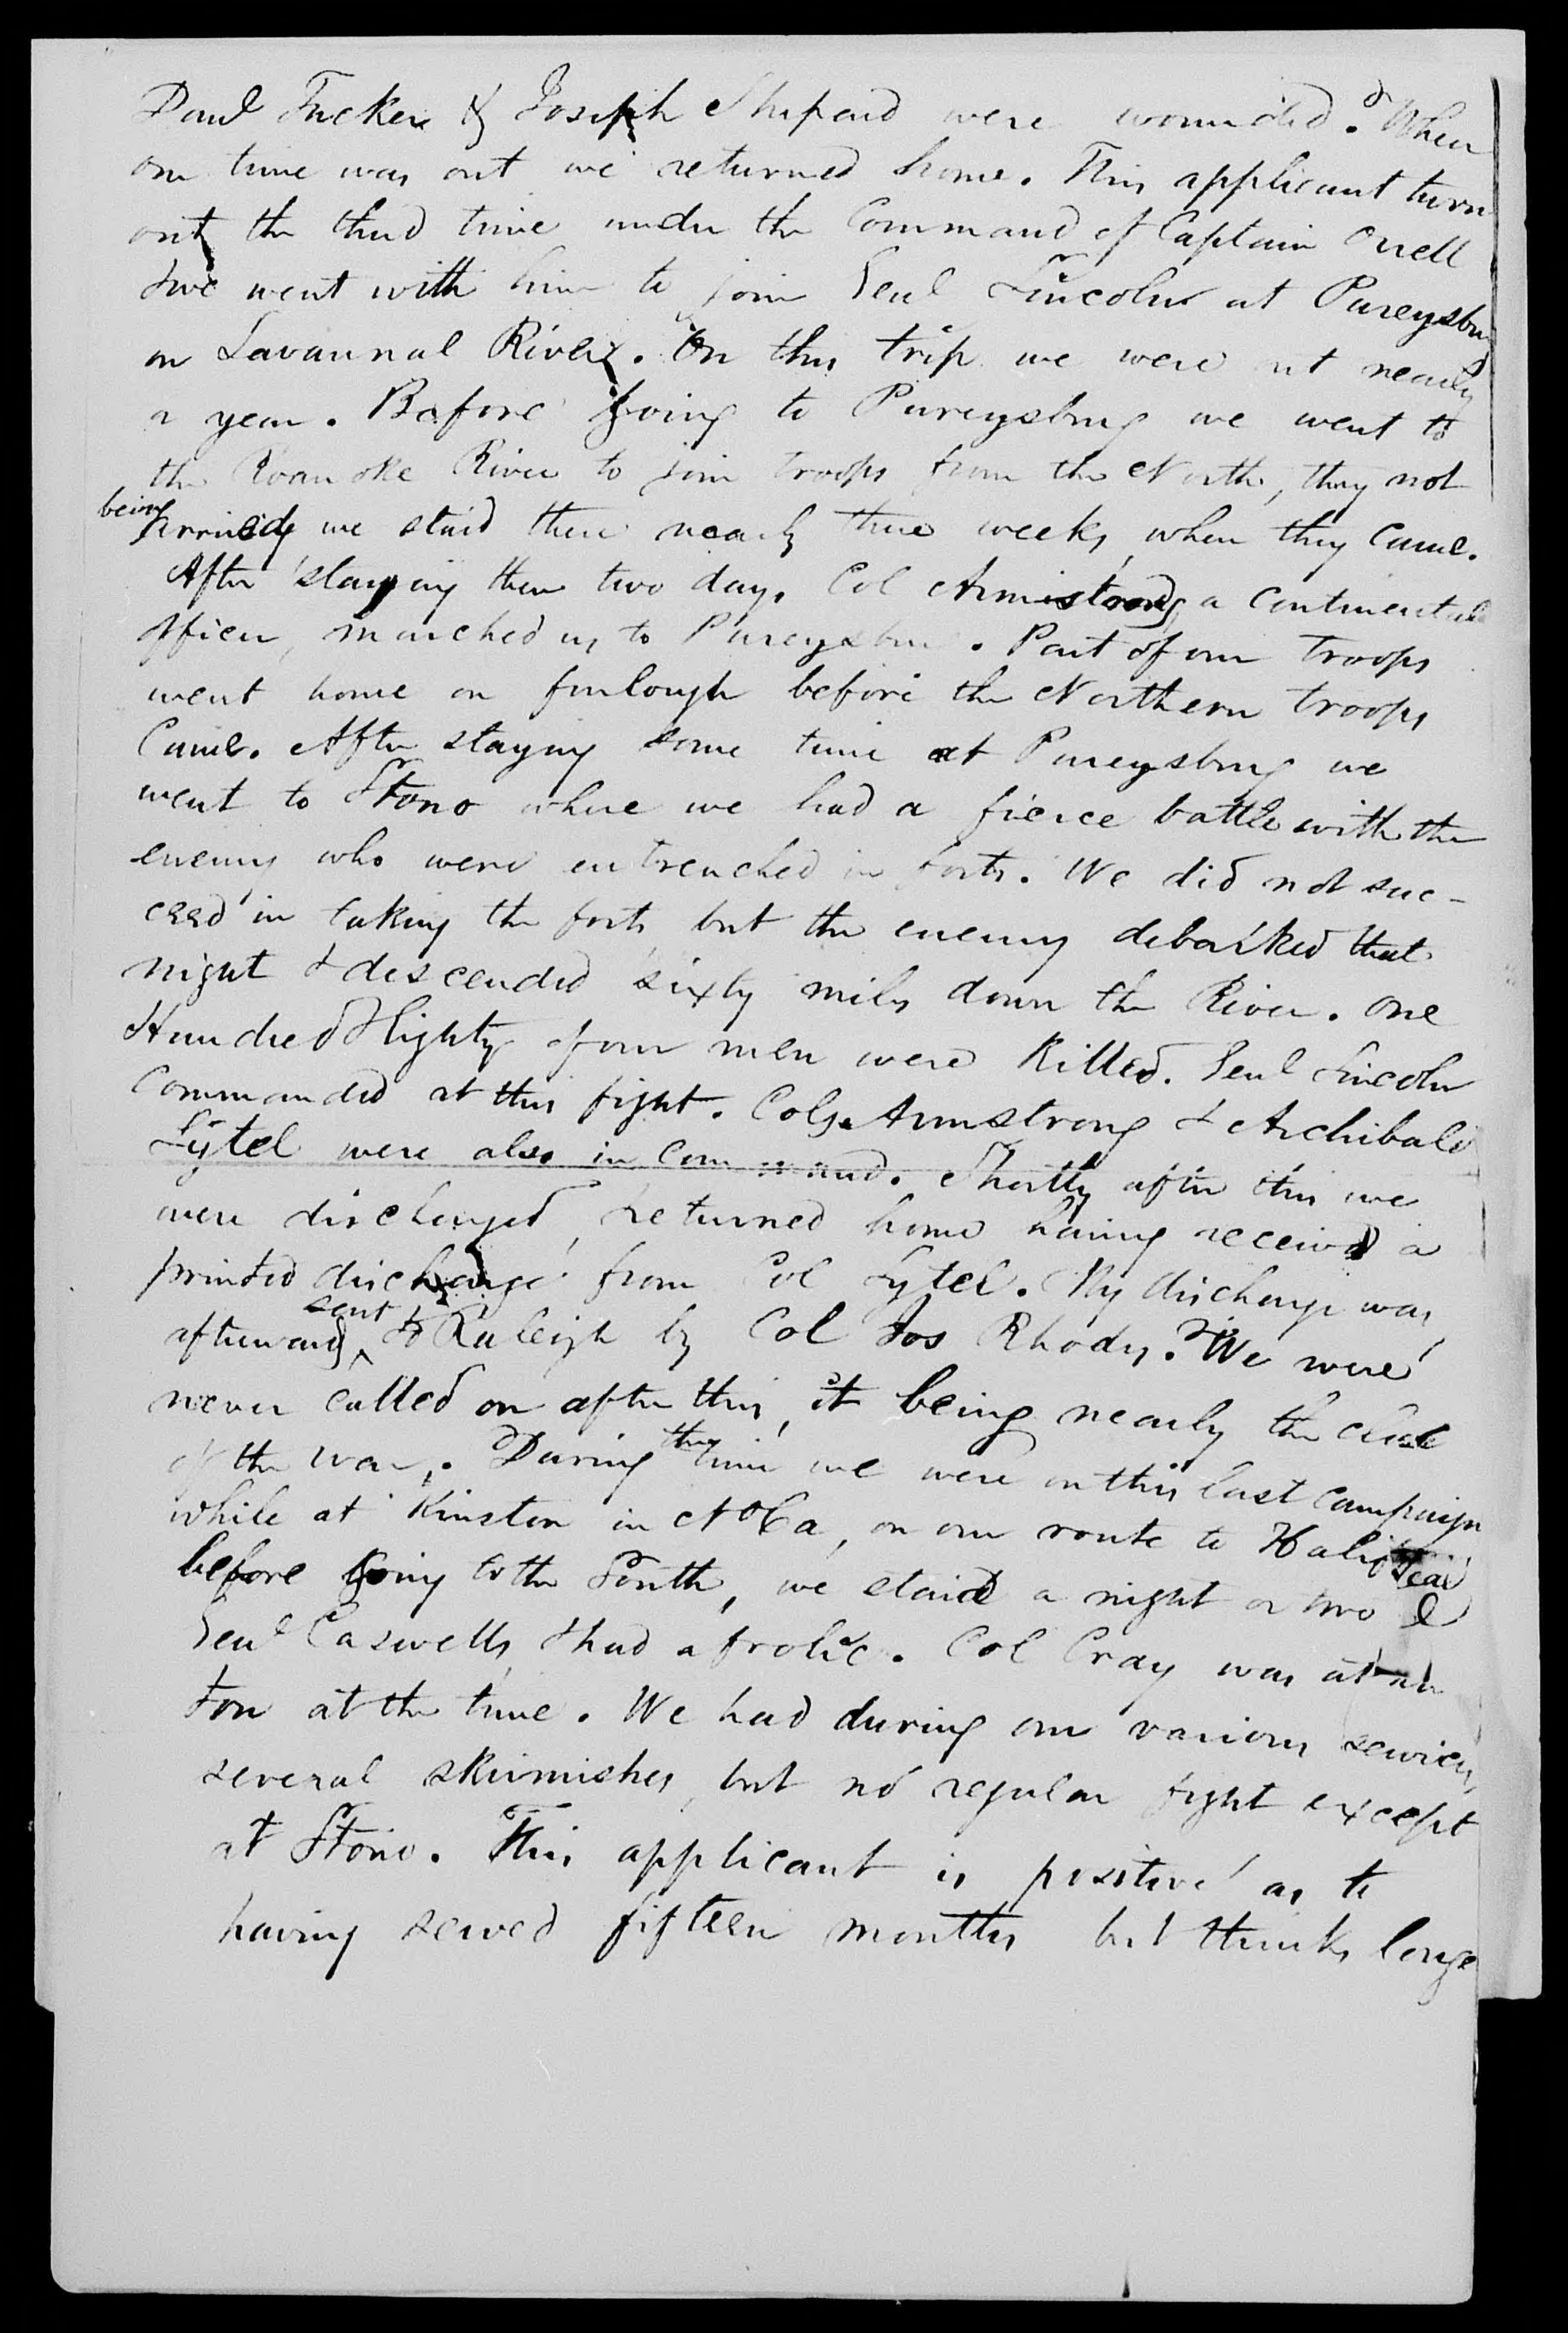Danl Tucker and Joseph Shepard wee wounded. and When our time was out we returned home. This applicant [illegible] the third time under the Command of Captain Onell and we went with him to join Genl Lincoln at Pareysburg on Savannah River. ON this trip we were out nearly a year. Before going to Pareysburg we went to the Roanoke River to join troops from the North, they not being arrived we staid[stayed] there nearly three weeks, when they came. After staying then two days. Col Armstrong, a continental officer marched us to Pureys[illegible]. Par of our troops went home on furlough before the Northern troops came. After staying some time at Pureysburg we went to Stono where we had a fierce battle with the enemy who were entrenched in forts. We did not succeed in taking the forts but the enemy debarked that night and descended sixty miles down the River. One Hundred and eighty four men were killed. Genl Lincoln commanded at this fight. Cols Armstrong and Archibald Lytel were also in command. Shortly after this we were discharged, returned home having received a printed discharge from Col. Lytel. My discharge was afterwards sent to Raleigh by Col Jos Rhodes. We were never called on after this, it being nearly the end of the war. During the time we were on this last campaign while at Kinston in No Ca, on our route to Halifax before going to the South,  we staid[stayed] a night or two at Genl Caswells and had a folic. Col Gray was at [illegible] at the time. We had during our various services, several skirmishes but no regular fight except at Stono. This applicant is positive as to having served fifteen months but thinks longer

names: Danl Tucker, Armstrong, Archibald Lytel, Armstrong Lytel, Lytel, Jos Rhodes, Onell, Cray, Joseph Shepard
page: 7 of 38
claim: widow's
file: W. 5231, Hilary Brinson, N.C.